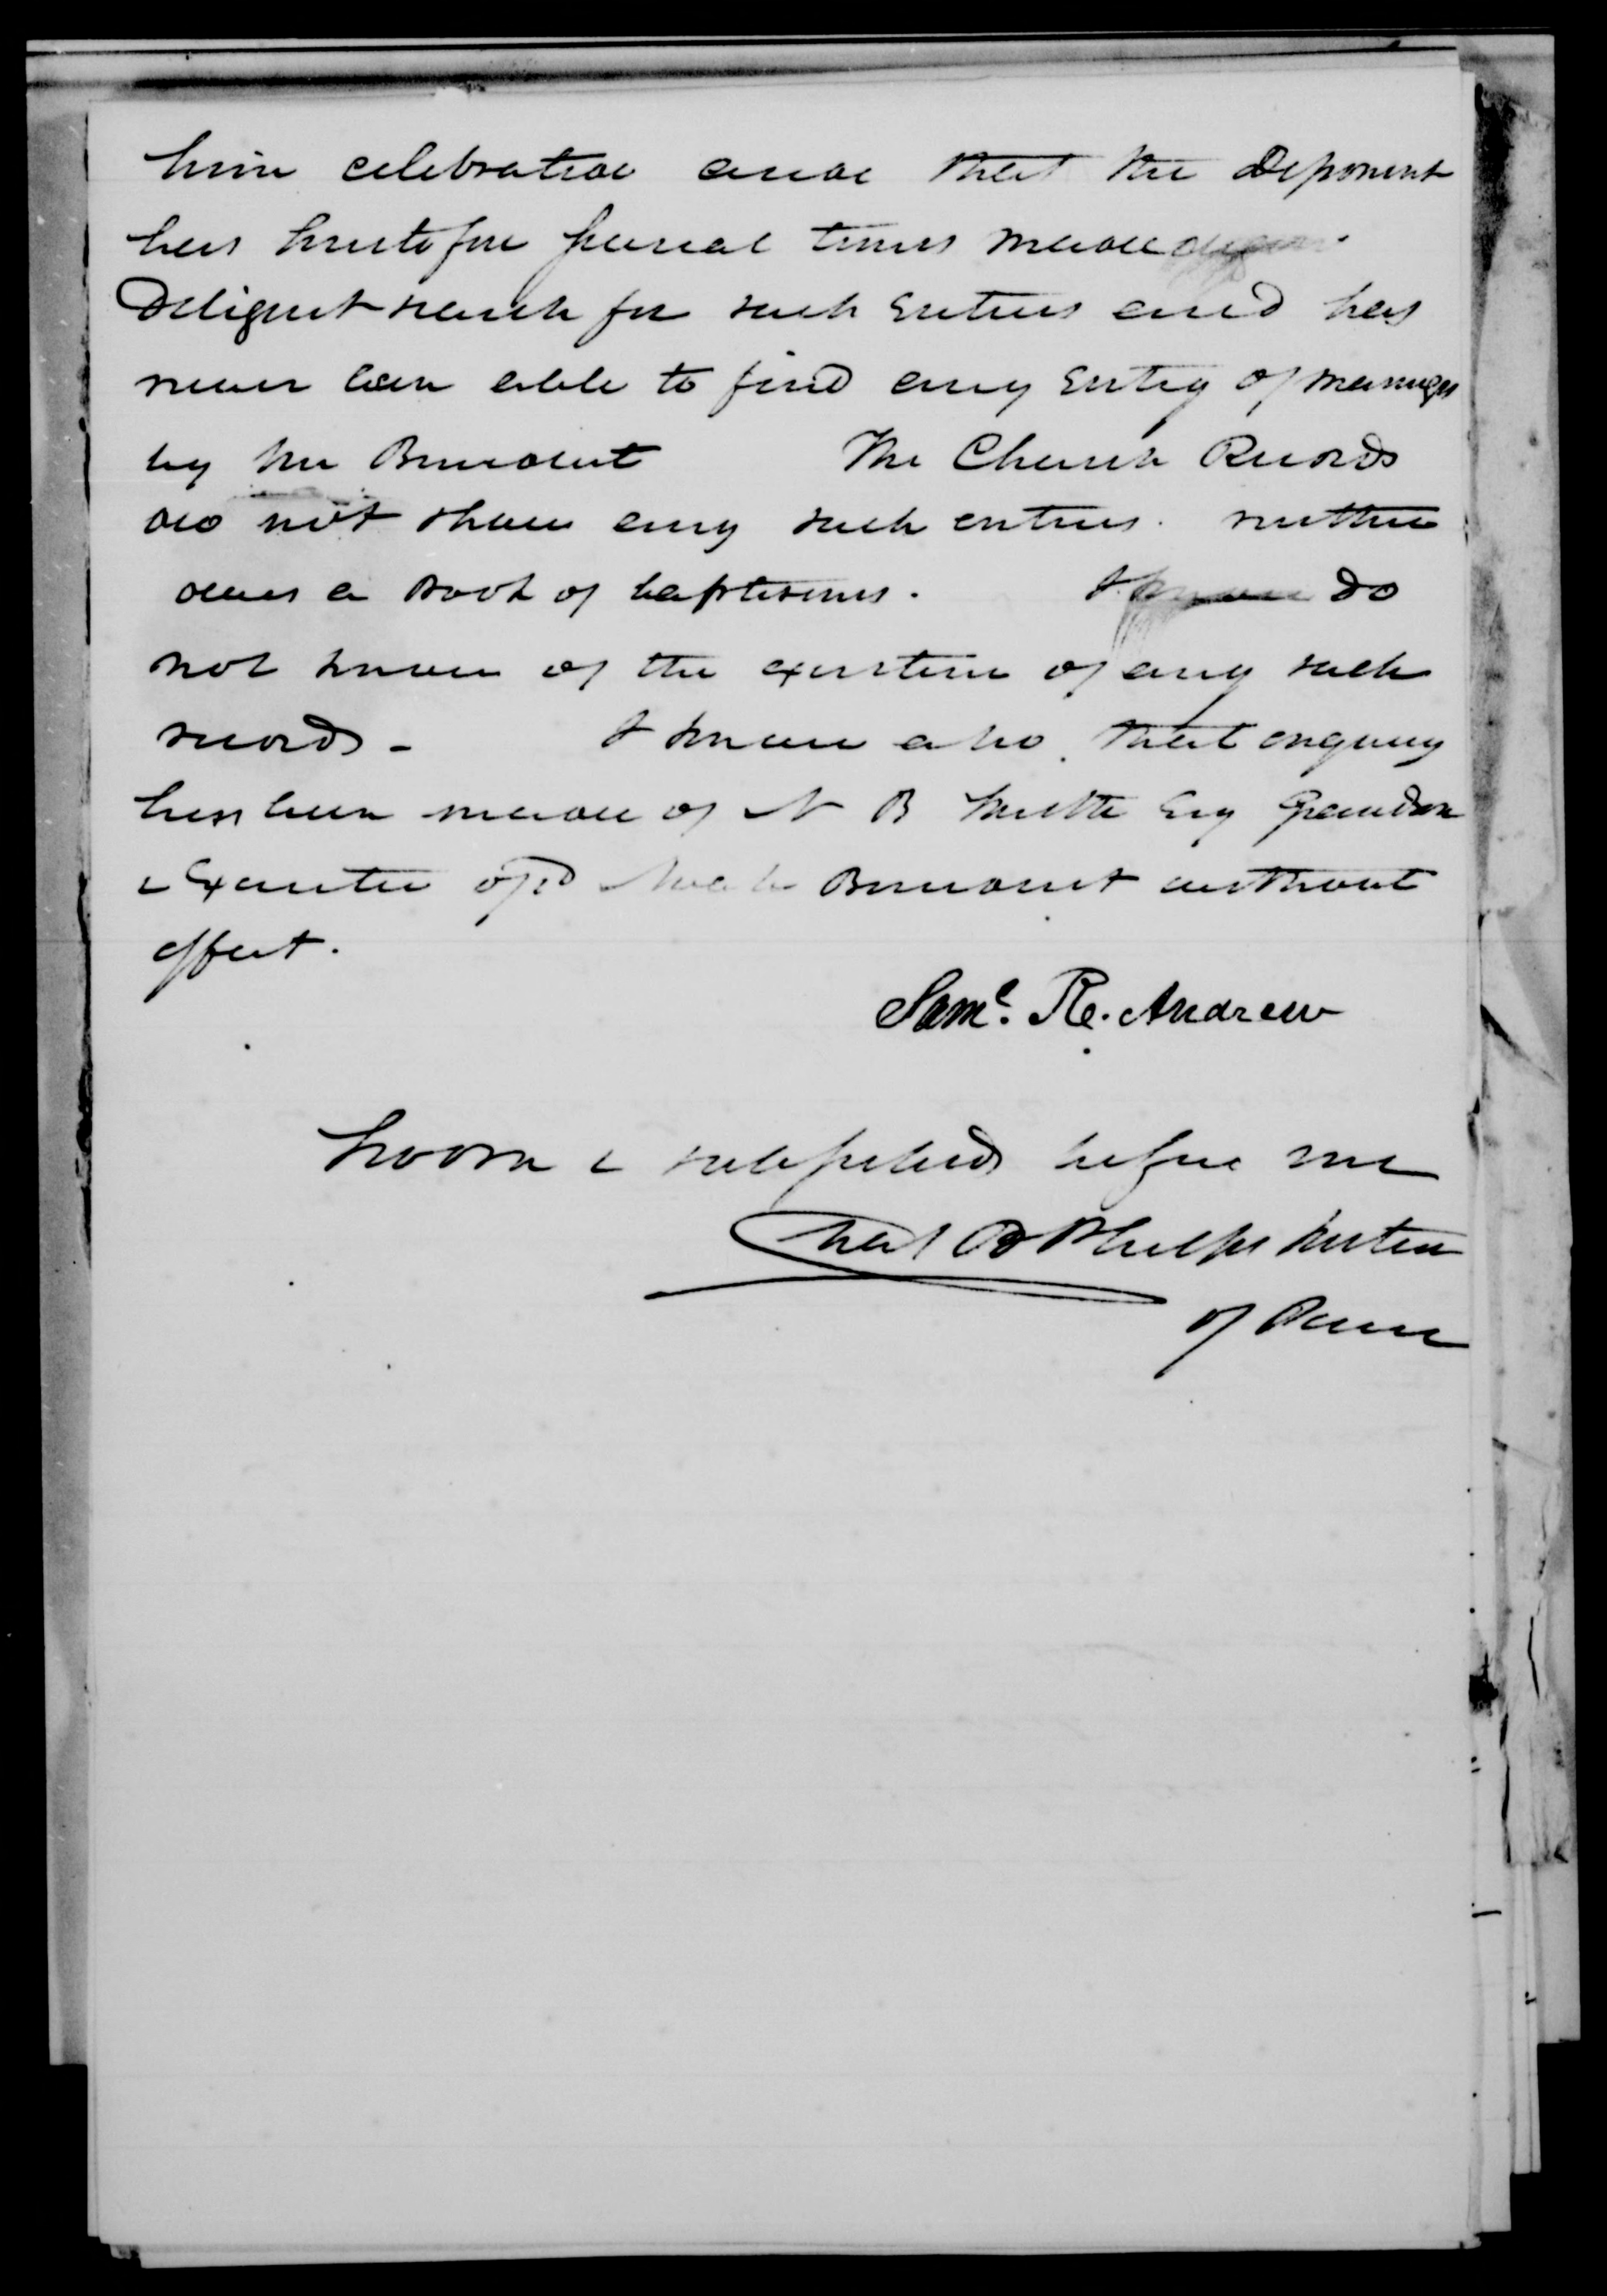him celebrated and that the deponent has heretofore several times made Diligent search for such entries has never been able to find any entry of Marriages by said Benedict.   The Church Records are not there any such entries neither has a Book of Baptisms. I do not know of the existence of any such records.  I know also that enquiry has been mean of N B Smith Esq Grandson & Executor of said Noah Benedict without effect.  
Saml R. Andrew 
Sworn & subscribed before me 
Chas B. Phelps Justice of Peace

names: Saml R Andrew; Noah Benedict; Chas B Phelps; N B Smith; [BLANK] Benedict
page: 18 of 55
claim: widow's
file: W. 11480, for Phinehas Smith, Connecticut